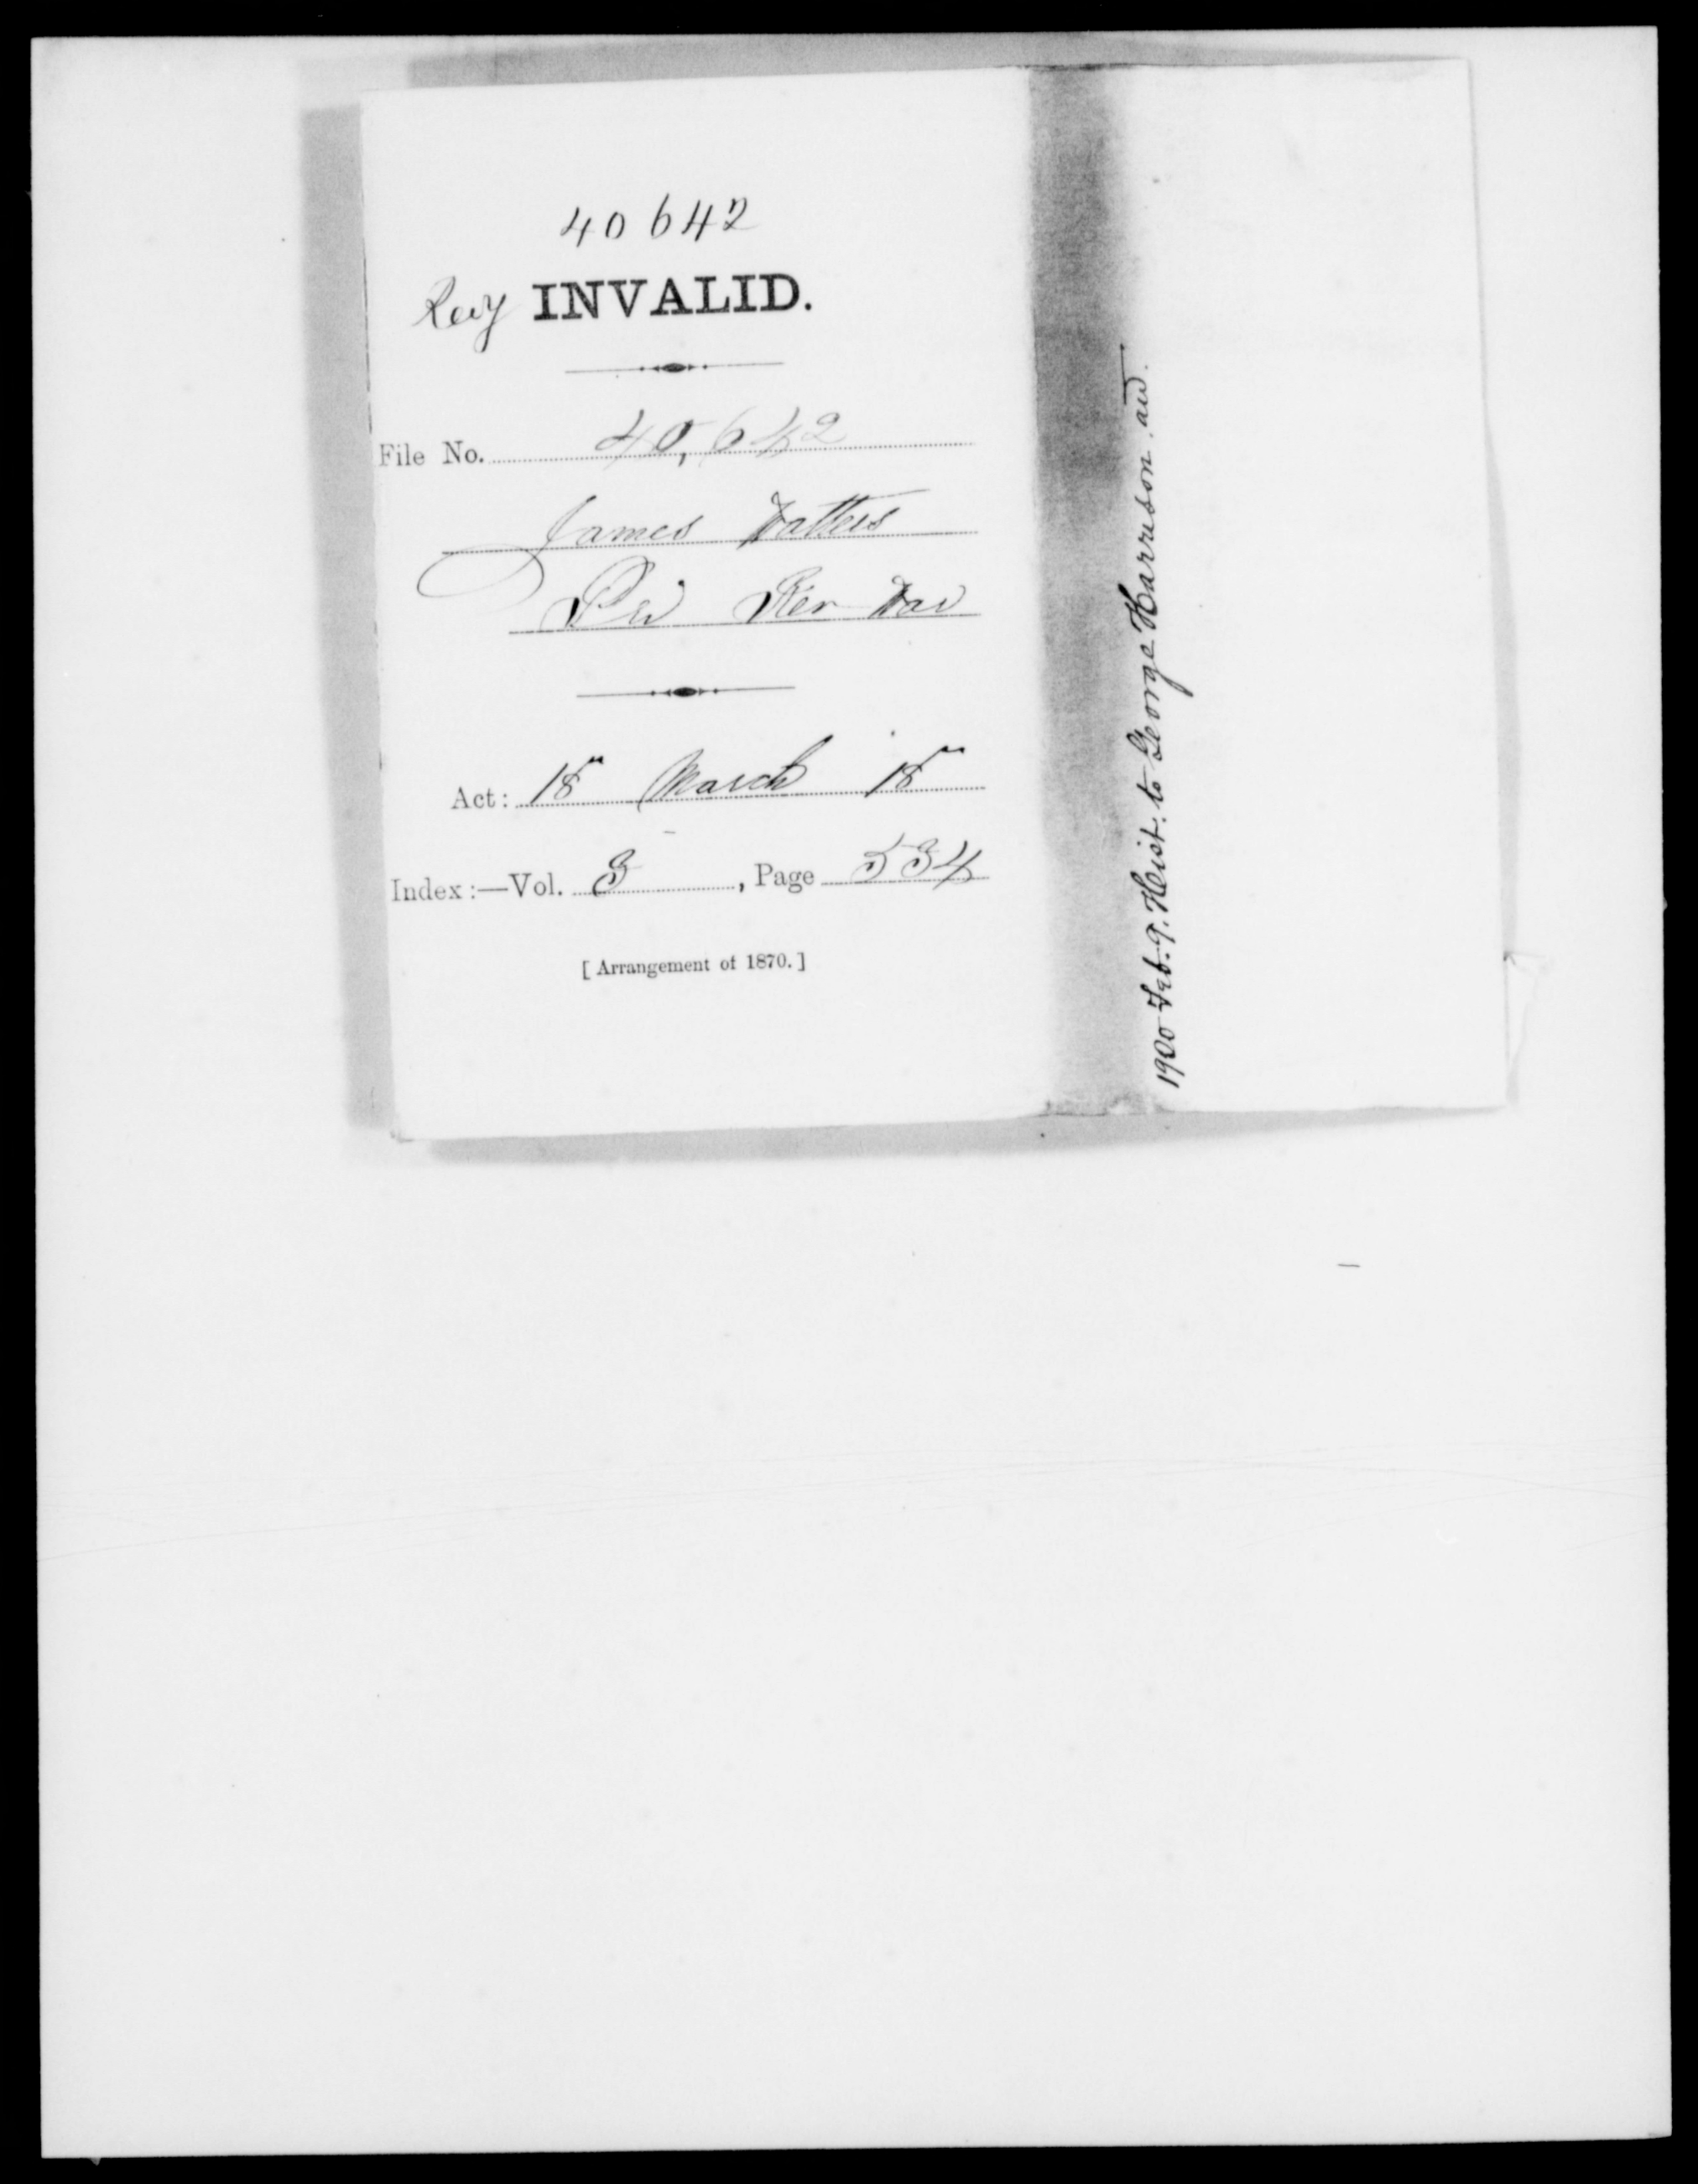40642
Revy   INVALID.
File No. 40,642
James Watters
Pri Rev War

Act: 18th March 18
Index: Val. S, Page 334
[Arrangement of 1870]

1900 Feby. 9.  Heist. to George Harrison. aw.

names: George Harrison, James Watters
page: 18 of 29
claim: survivor's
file: S. 40642, James Waters, Continental (Md)